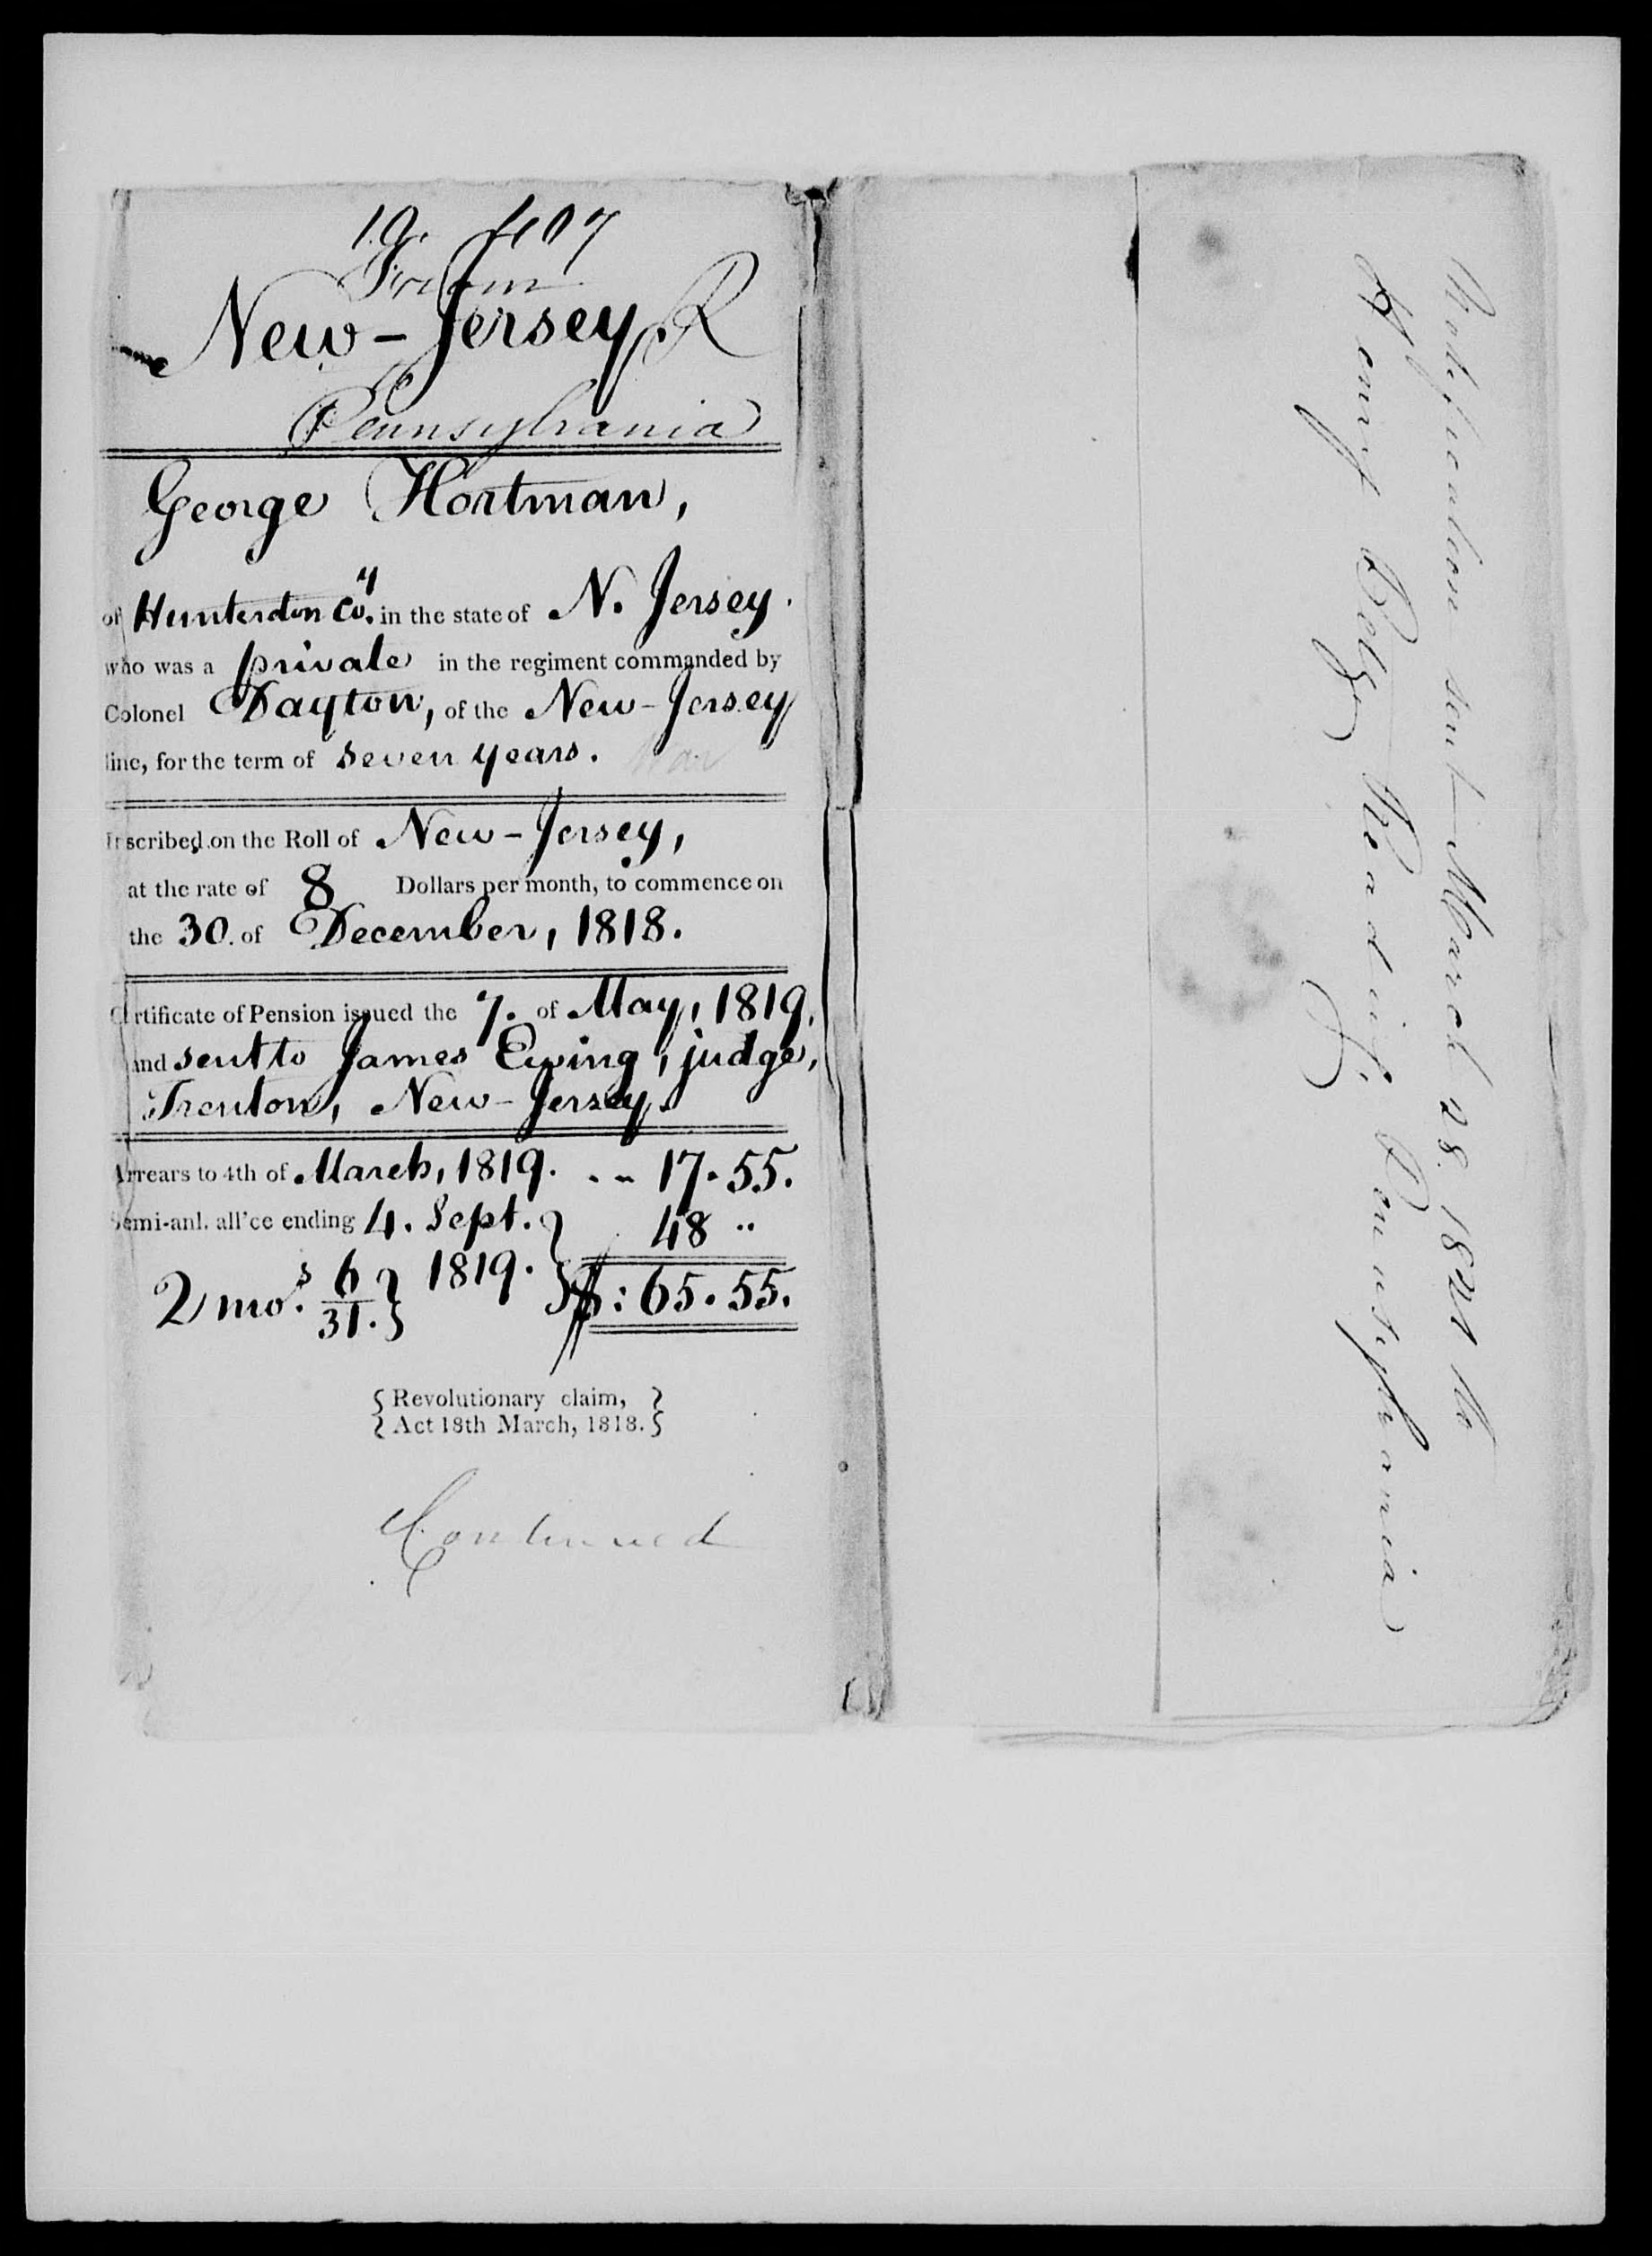[LEFT SIDE]

10 407
From
New-Jersey R
Pennsylvania

George Hartman,
of Hunterdon Co. 4, in the state of N. Jersey, who was a private in the regiment commanded by Colonel Dayton, of the New-Jersey line, for the term of seven years.
Inscribed on the Roll of New-Jersey, at the rate of 8 Dollars per month, to commence on the 30 of December, 1818.
Certificate of Pension issued the 7. of May, 1819, and sent to James Ewing, judge, Trenton, New-Jersey
Arrears to the 4th of March, 1819. 17.55
Semi-anl. all'ce ending 4. Sept. 1819 48

2 mos 6/31.5}

$: 65.55.

{Revolutionary claim,
Act 18th March, 1818.}

Continued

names: George Hartman, James Ewing, Dayton, Henry Bell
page: 2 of 29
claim: widow's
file: W. 2,789, George Hartman, New Jersey